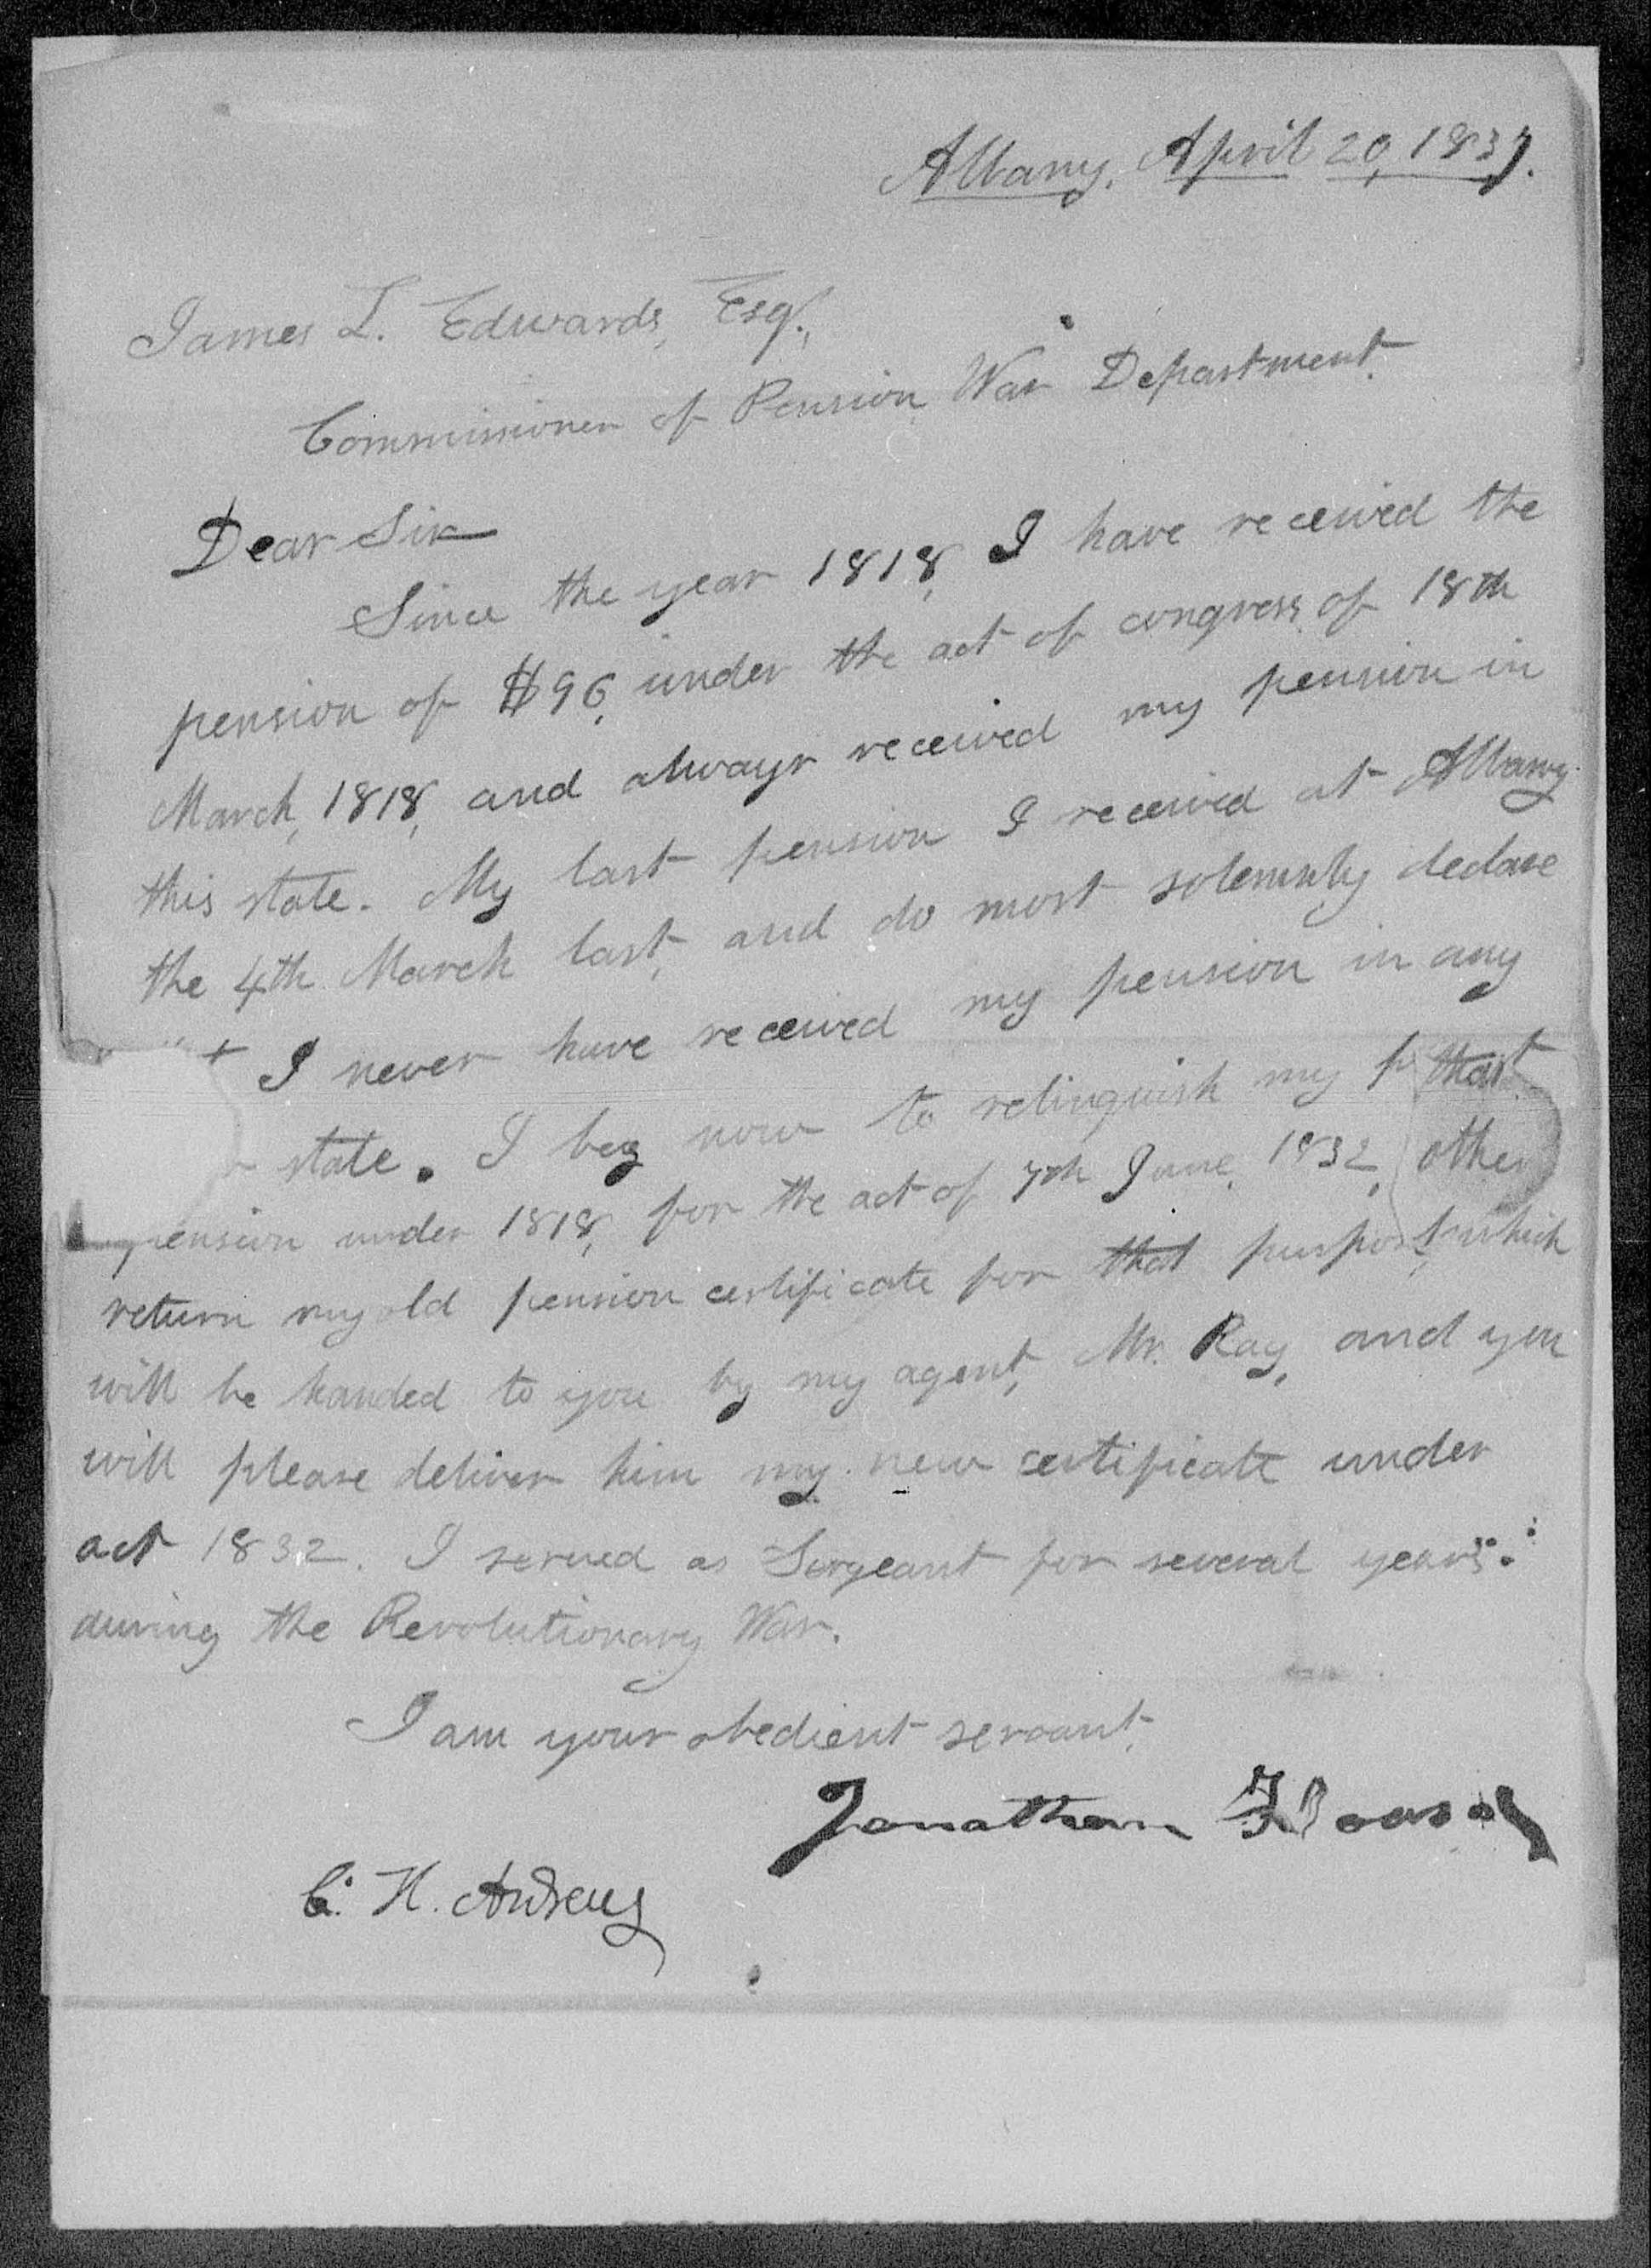Albany, April 20, 1837.
James L. Edwards, Esq.
Commissioner of Pension War Department
Dear Sir-
Since the year 1818, I have received the
pension of $96 under the act of congress of 18th
March, 1818, and always received my pension in
this note. My last pension I received at Albany
the 4th March last, and do most solemnly declare
that I never have received my pension in any 
[word torn off] state. I beg now to relinquish my p[word covered by piece of paper with "that"]
pension under 1818, for the act of 7th June, 1832 ["other" on same piece of paper as above]
return my old pension certificate for that purpose which
will be handed to you by my agent, Mr. Ray, and you
will please deliver him my new certificate under 
act 1832. I served as Sergeant for several years
during the Revolutionary War.
I am your obedient servant,
Jonathan Hoard
C.H. Andrews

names: Ray, Jonathan Hoard, C H Andrews, James L Edwards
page: 5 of 52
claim: widow's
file: W 19755, Jonathan Hoard, Mass.